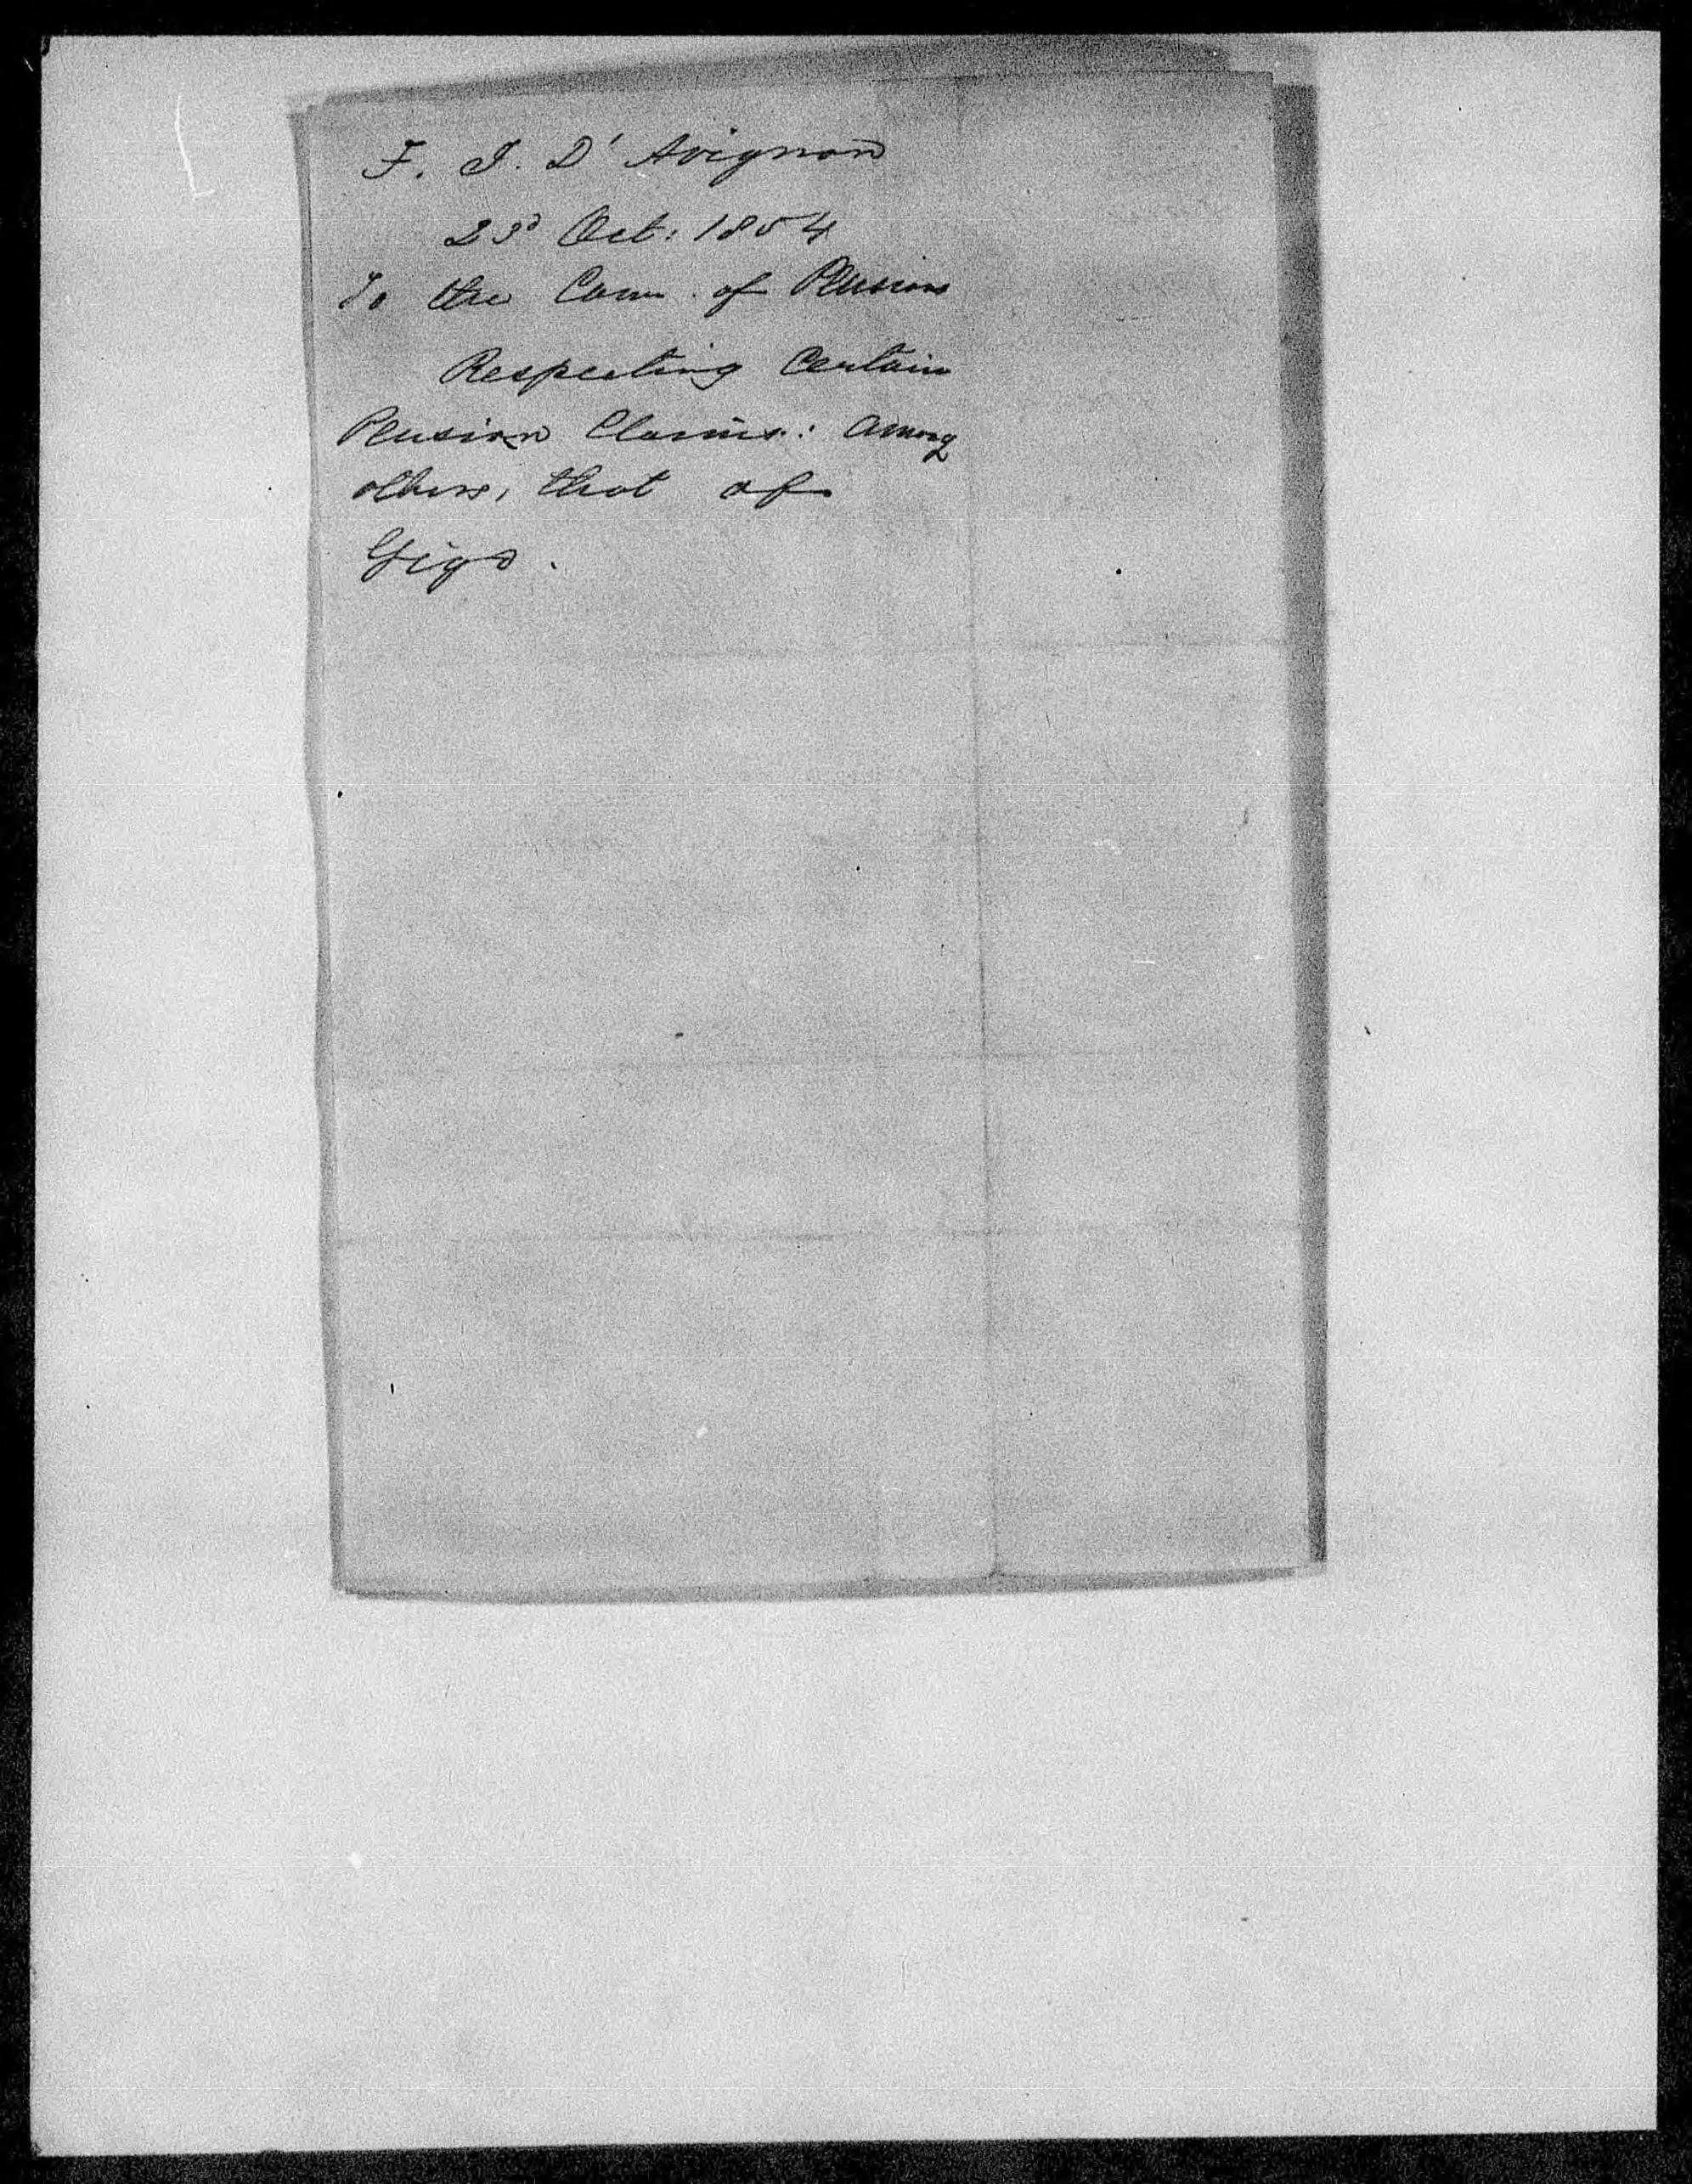F. J. D'Avignon
23d Oct. 1854
To the Com. of Pensions
Respecting certain pension claims: Among others, that of Gigo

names: Gigo, F J D Avignon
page: 29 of 98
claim: widow's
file: W. 21182, Francis Gigo, Continental (Canadian)